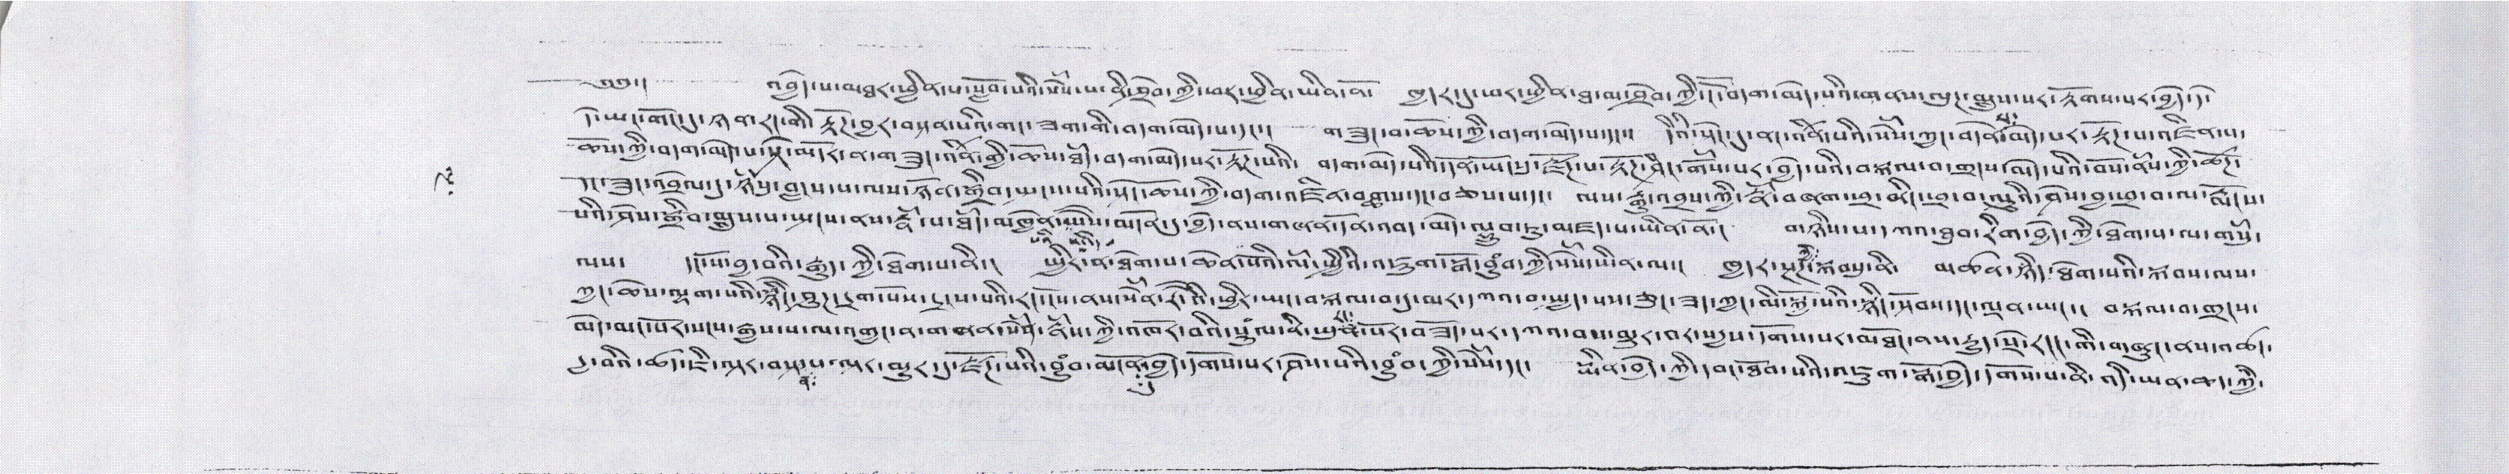འབྱེད་པ་མཐར་ཕྱིན་པ་སློབ་པའི་སེམས་པ་ནི་ཤེས་རབ་ཀྱི་ཕར་ཕྱིན་ཡིན་ནོ། ཁྱད་པར་དུ་ཕར་ཕྱིན་ཐ་མ་ཤེས་རབ་ཀྱི་ངོ་བོ་བདག་མེད་པའི་གནས་ལུགས་མ་ལུས་པ་རྟོགས་པར་བྱེད་དེ། 
དེ་ཡང་གོང་དུ་ཉན་རང་གི་རྟོགས་བྱར་བསྟན་པའི་གང་ཟག་གི་བདག་མེད་དང་། གཟུང་བ་ཆོས་ཀྱི་བདག་མེད་དང་། དེའི་སྟེང་དུ་ནང་འཛིན་པའི་སེམས་ཀྱང་བདེན་པ་མེད་པར་རྟོགས་པ་འཛིན་པ་
ཆོས་ཀྱི་བདག་མེད་པ་སྟེ། མདོར་ན་གཟུང་འཛིན་གྱི་ཆོས་ཐམས་ཅད་བདག་མེད་པར་རྟོགས་པའི་བདག་མེད་པའི་དོན་ཡོངས་སུ་རྫོགས་པ་རྟོགས་ཤིང་གོམས་པར་བྱེད་པའི་བསྐལ་པ་གྲངས་མེད་པའི་བསོད་ནམས་ཀྱི་ཚོགས་
དང་ཟུང་འབྲེལ་དུ་ཉམས་སུ་བླངས་པ་ལས་ཉོན་སྒྲིབ་སྤངས་པའི་སྟེང་ཆོས་ཀྱི་བདག་འཛིན་བག་ཆགས་དང་བཅས་པ་དང་། ལས་རྒྱུ་འབྲས་ཀྱི་རྣམ་གཞག་ཕྲ་ཞིང་ཕྲ་བ་ལྟ་བུའི་ཤེས་བྱ་ཕྲ་བ་ལ་རྨོངས་
པའི་ཤེས་སྒྲིབ་མ་ལུས་པ་སྤངས་ནས་རྣམ་པ་ཐམས་ཅད་མཁྱེན་པའི་ཡེ་ཤེས་མངོན་དུ་བྱེད་ནས་གཞན་དོན་འབད་མེད་ལྷུན་གྲུབ་ཏུ་མཛད་པ་ཡིན་ནོ། གཉིས་པ་དཀའ་ཐུབ་རིག་བྱེད་ཀྱི་ཐེག་པ་ལ་གསུམ་
ལས། དང་པོ་བྱ་བའི་རྒྱུད་ཀྱི་ཐེག་པ་ནི། སྤྱིར་ནི་ཐེག་པ་ཆེན་པོའི་ལམ་སྤྱིའི་འཇུག་སྒོ་བྱང་ཆུབ་ཀྱི་སེམས་ཡིན་ལ། ཁྱད་པར་སྔགས་ཀྱི་སྐབས་སུ་ནི། མཚན་ཉིད་ཐེག་པའི་སྐབས་ལས་
ཀྱང་ཆེས་ལྷག་པའི་སྙིང་རྗེ་ཤུགས་དྲག་པོས་དྲངས་པའི་རང་ངོས་ནས་སེམས་ཅན་རེ་རེའི་ཕྱིར་ཡང་བསྐལ་པ་དུ་མར་དཀའ་བ་སྤྱད་པས་ཅུང་ཟད་ཀྱང་མི་སྐྱོ་བའི་སྙིང་སྟོབས་དང་ལྡན་ཡང་། བསྐལ་པ་གྲངས་
མེད་མང་པོར་སངས་རྒྱས་ས་ལ་འགྱངས་ན་གཞན་སེམས་ཅན་རྣམས་ཀྱི་འཁོར་བའི་སྡུག་བསྔལ་ནི་ཡུན་རིང་པོར་བཟོད་པར་དཀའ་བས་མྱུར་བར་སངས་རྒྱས་དགོས་པར་མཐོང་ནས་རྒྱུད་སྡེ་རང་རང་གི་གཞུང་ནས་འཚང་
རྒྱ་བའི་ཚད་ཇི་ལྟར་བཤད་པ་ལྟར་མྱུར་དུ་རྫོགས་པའི་བྱང་ཆུབ་མངོན་དུ་བྱེད་དགོས་པར་བཤད་པའི་བྱང་ཆུབ་ཀྱི་སེམས་དང་། སྨིན་བྱེད་དབང་ཐོབ་པའི་འཇུག་སྒོ་བྱེད་དགོས་པ་ནི་འདི་ཡན་ཆད་ཀྱི་